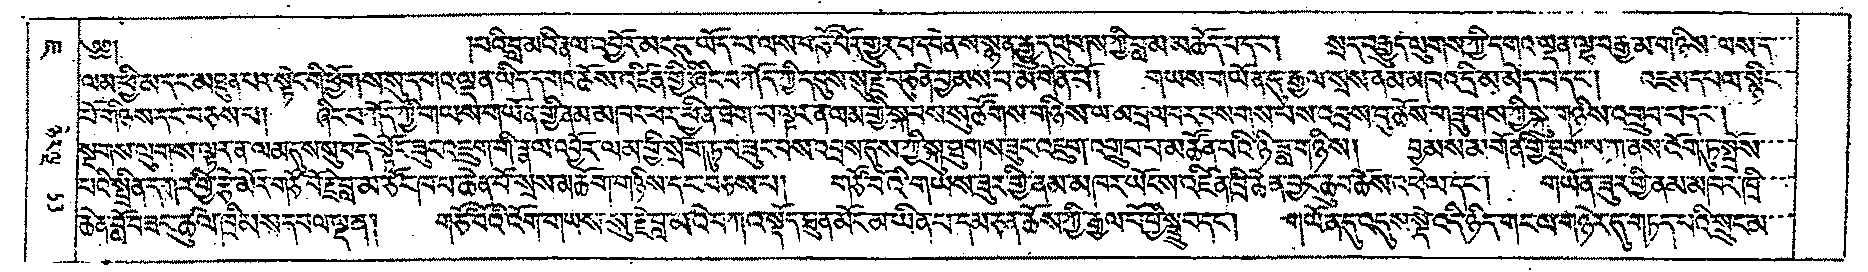༄༅། །པའི་བླ་མའི་རྣལ་འབྱོར་མང་དུ་ཡོད་པ་ལས་གཙོ་བོར་གྱུར་པ་དབེན་ས་སྙན་རྒྱུད་ལུགས་ཀྱི་བླ་མ་མཆོད་པ་དང་། སྲད་བརྒྱུད་ལུགས་ཀྱི་དགའ་ལྡན་ལྷ་བརྒྱ་མ་གཉིས་ལས་ད་
ལམ་ཕྱི་མ་དང་མཐུན་པར་སྟེང་གི་ཕྱོགས་སུ་དགའ་ལྡན་ཡིད་དགའ་ཆོས་འཛིན་གྱི་ཞིང་བཀོད་ཀྱི་དབུས་སུ་རྗེ་བཙུན་བྱམས་པ་མགོན་པོ། གཡས་གཡོན་དུ་རྒྱལ་སྲས་ནམ་མཁའ་དྲི་མ་མེད་པ་དང་། འཇམ་དཔལ་སྙིང་
པོ་གཉིས་དང་བཅས་པ། ཞིང་བཀོད་ཀྱི་གཡས་གཡོན་གྱི་ནམ་མཁར་ཕར་ཕྱིན་ཐེག་པ་ལྟར་ན་ལམ་གྱི་སྐབས་སུ་ཚོགས་གཉིས་ཡ་མ་བྲལ་བར་བསགས་པས་འབྲས་བུ་ཆོས་གཟུགས་ཀྱི་སྐུ་གཉིས་འགྲུབ་པ་དང་།
སྔགས་ལུགས་ལྟར་ན་ལམ་དུས་སུ་བདེ་སྟོང་ཟུང་འཇུག་གི་རྣལ་འབྱོར་ལམ་གྱི་སྲོག་ཏུ་བཟུང་པས་འབྲས་དུས་ཀྱི་སྐུ་ཐུགས་ཟུང་འཇུག་འགྲུབ་པ་མཚོན་པའི་ཉི་ཟླ་གཉིས། བྱམས་མགོན་གྱི་ཐུགས་ཀ་ནས་འོག་ཏུ་སྤྲོས་
པའི་སྤྲིན་དཀར་གྱི་རྩེ་མོར་གཙོ་བོ་རྗེ་བླ་མ་ཙོང་ཁ་པ་ཆེན་པོ་སྲས་མཆོག་གཉིས་དང་བཅས་པ། གཙོ་བོའི་གཡས་ཟུར་གྱི་ནམ་མཁར་ཡོངས་འཛིན་ཁྲི་ཆེན་བྱང་ཆུབ་ཆོས་འཕེལ་དང་། གཡོན་ཟུར་གྱི་ནམ་མཁར་ཁྲི་
ཆེན་བློ་བཟང་ཚུལ་ཁྲིམས་དཔལ་ལྡན། གཙོ་བོའི་འོག་གཡས་སུ་རྗེ་བླ་མའི་བཀའ་སྡོད་ཐུན་མོང་མ་ཡིན་པ་དམ་ཅན་ཆོས་ཀྱི་རྒྱལ་པོ་ཕྱི་སྒྲུབ་དང་། གཡོན་དུ་འདུས་སྡེ་འདི་ཉིད་གང་ལ་གཉེར་དུ་བཏད་པའི་སྲུང་མ་